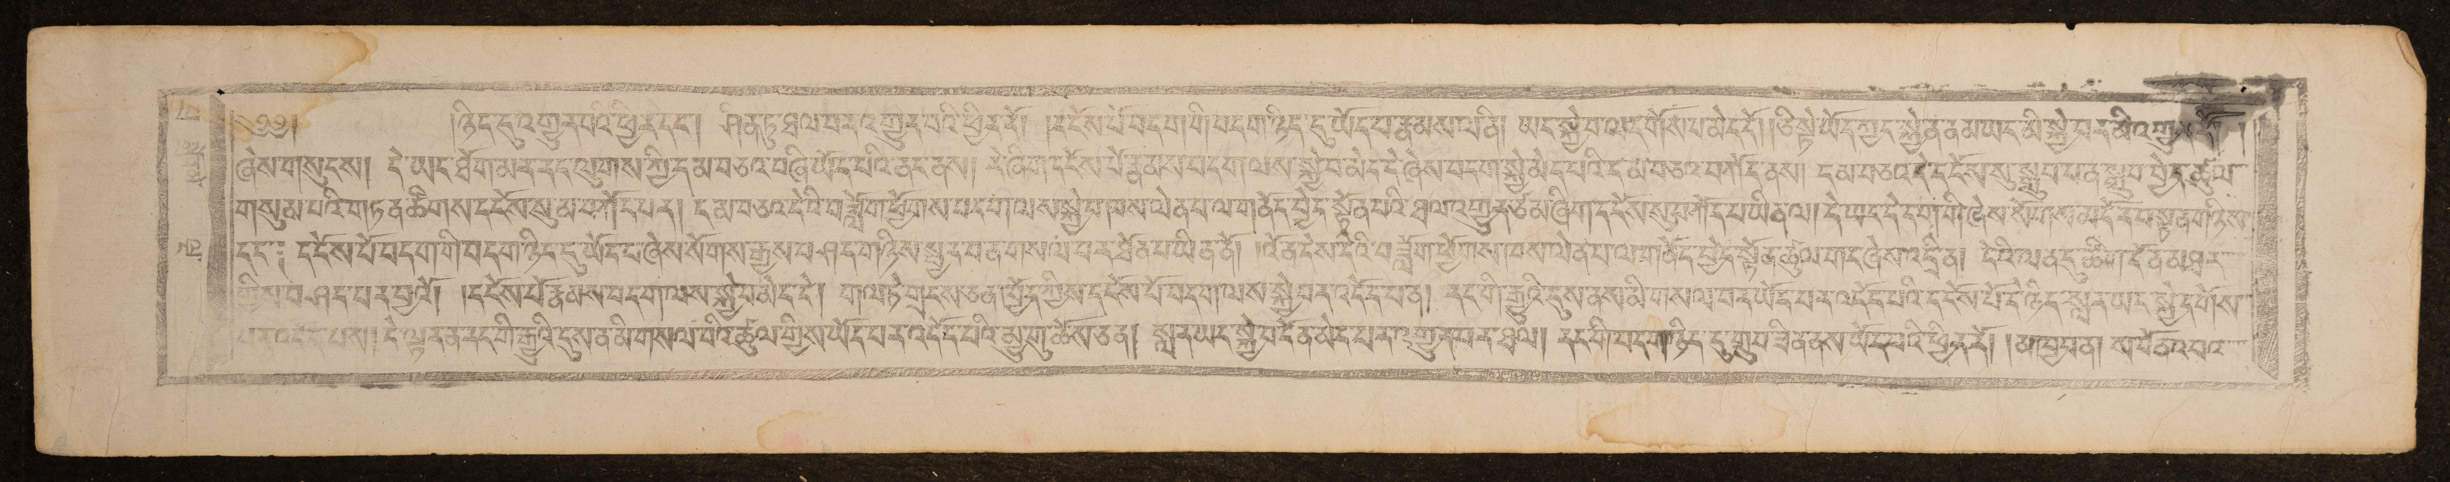༄༅། །ཉིད་དུ་འགྱུར་བའི་ཕྱིར་དང་། ཤིན་ཏུ་ཐལ་བར་འགྱུར་བའི་ཕྱིར་རོ། །དངོས་པོ་བདག་གི་བདག་ཉིད་དུ་ཡོད་པ་རྣམས་ལ་ནི། ཡང་སྐྱེ་བ་ལ་དགོས་པ་མེད་དོ། །ཅི་སྟེ་ཡོད་ཀྱང་སྐྱེ་ན་ནམ་ཡང་མི་སྐྱེ་བར་མི་འགྱུར་རོ། །
ཞེས་གསུངས། དེ་ཡང་ཐོག་མར་རང་ལུགས་ཀྱི་དམ་བཅའ་བཞི་ཡོད་པའི་ནང་ནས། རེ་ཞིག་དངོས་པོ་རྣམས་བདག་ལས་སྐྱེ་བ་མེད་དེ་ཞེས་བདག་སྐྱེ་མེད་པའི་དམ་བཅའ་བཀོད་ནས། དམ་བཅའ་དེ་དངོས་སུ་སྒྲུབ་པ་ན་སྒྲུབ་བྱེད་ཚུལ་
གསུམ་པའི་གཏན་ཚིགས་དངོས་སུ་མ་བཀོད་པར། དམ་བཅའ་དེའི་བཟློག་ཕྱོགས་བདག་ལས་སྐྱེ་བ་ཁས་ལེན་པ་ལ་གནོད་བྱེད་སྟོན་པའི་ཐལ་འགྱུར་ཙམ་ཞིག་དངོས་སུ་བཀོད་པ་ཡིན་ལ། དེ་ཡང་དེ་དག་གི་ཞེས་སོགས་མདོར་བསྟན་གཉིས་
དང་། དངོས་པོ་བདག་གི་བདག་ཉིད་དུ་ཡོད་པ་ཞེས་སོགས་རྒྱས་བཤད་གཉིས་སྦྱར་བ་ན་གསལ་བར་ཐོན་པ་ཡིན་ནོ། །འོ་ན་དེས་དེའི་བཟློག་ཕྱོགས་ཁས་ལེན་པ་ལ་གནོད་བྱེད་སྟོན་ཚུལ་གང་ཞེས་འདྲི་ན། དེའི་ལན་དུ་ཚིག་དོན་མཐར་
གྱིས་བཤད་པར་བྱའོ། །དངོས་པོ་རྣམས་བདག་ལས་སྐྱེ་བ་མེད་དེ། གལ་ཏེ་གྲངས་ཅན་ཁྱོད་ཀྱིས་དངོས་པོ་བདག་ལས་སྐྱེ་བར་འདོད་པ་ན། རང་གི་རྒྱུའི་དུས་ནས་མི་གསལ་བར་ཡོད་པར་འདོད་པའི་དངོས་པོ་དེ་ཉིད་སླར་ཡང་སྐྱེ་དགོས་
པར་འདོད་པས། དེ་ལྟར་ན་རང་གི་རྒྱུའི་དུས་ན་མི་གསལ་བའི་ཚུལ་གྱིས་ཡོད་པར་འདོད་པའི་མྱུ་གུ་ཆོས་ཅན། སླར་ཡང་སྐྱེ་བ་དོན་མེད་པར་འགྱུར་བར་ཐལ། རང་གི་བདག་ཉིད་དུ་གྲུབ་ཟིན་ནས་ཡོད་པའི་ཕྱིར་རོ། །མ་ཁྱབ་ན། ས་བོན་འབའ་